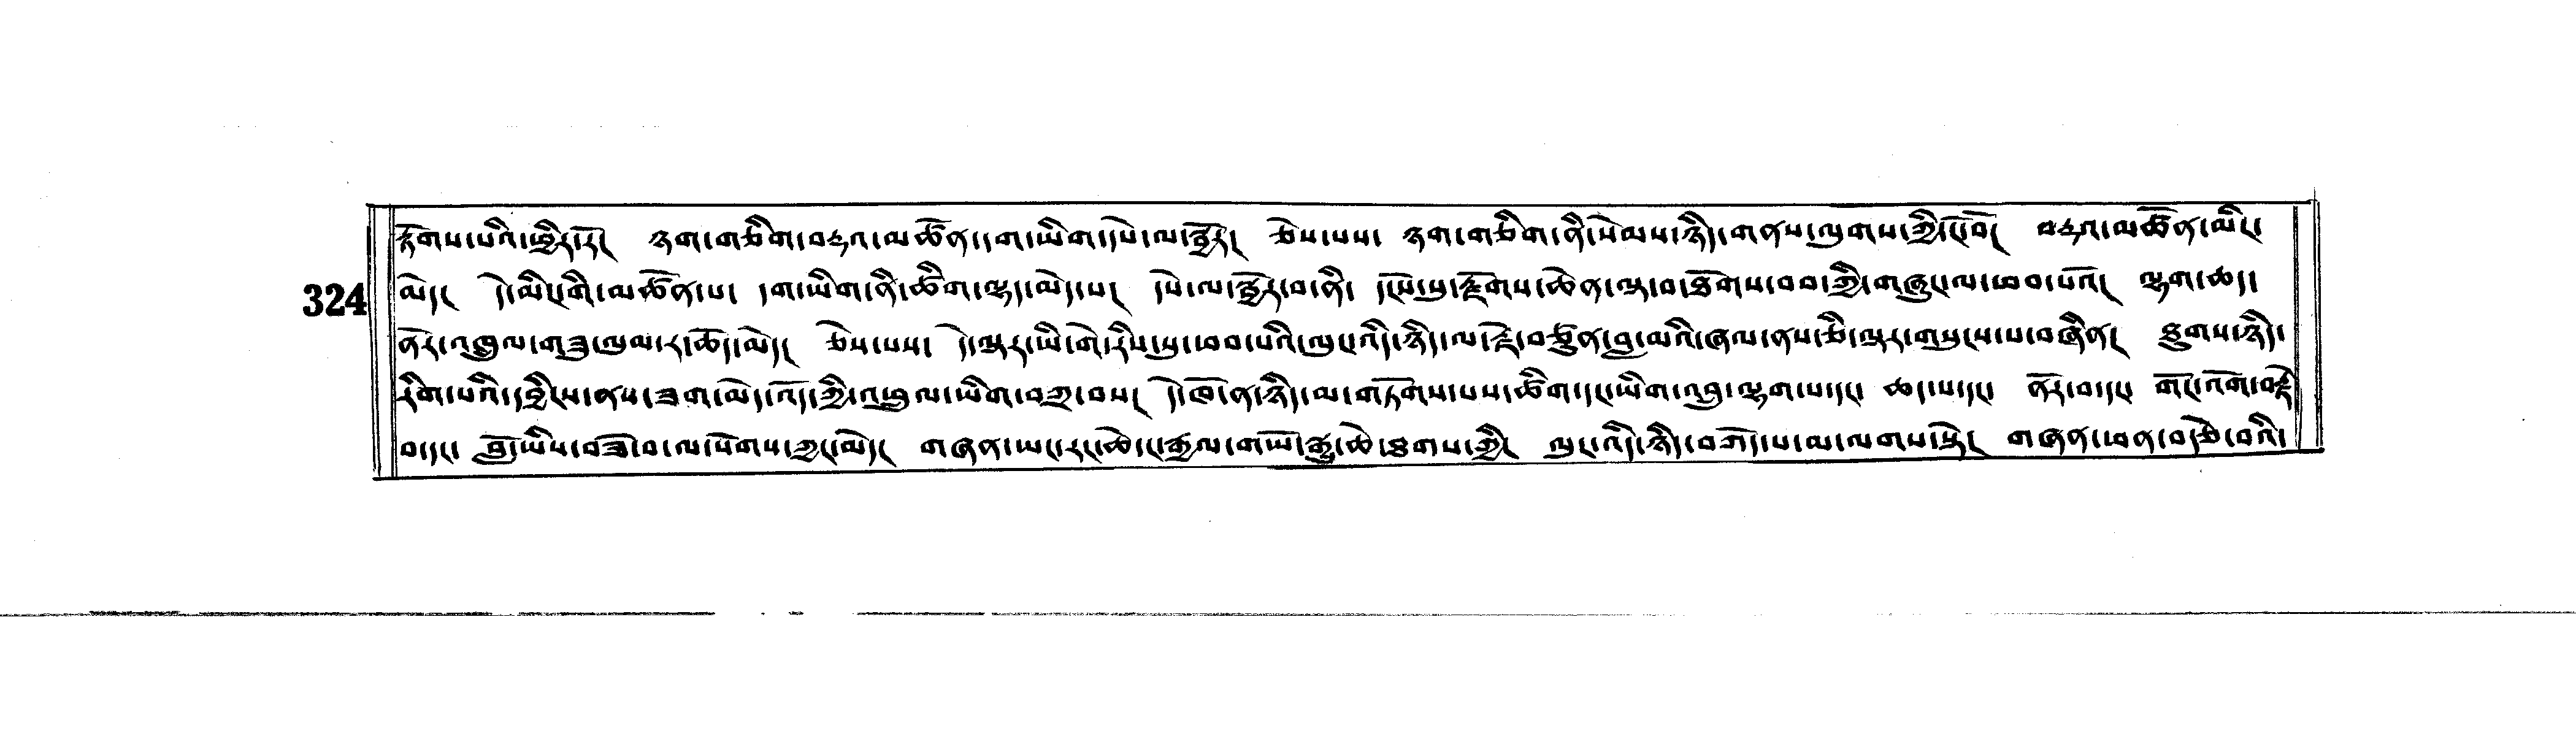རྟོགས་པའི་ཕྱིར་རོ། ཉག་ཅིག་བརྡ་མཚོན་དག་ཡིག་དཔེ་ལ་སྦྱོར། ཅེས་པས། ཉག་གཅིག་ནི་སེམས་ཉིད་གནས་ལུགས་ཀྱི་ངོ་བོ། བརྡ་མཚོན་མིང་
མེད། དེ་མིང་གིས་མཚོན་པ། དག་ཡིག་ནི་ཚིག་ལྷད་མེད་པ། དཔེ་ལ་སྦྱོར་བ་ནི། དངོས་སུ་རྫོགས་ཆེན་ལྟ་བ་ཐོག་དབབ་ཀྱི་གཞུང་ལ་ཕབ་པའོ། ལྷག་ཆད་
ནོར་འཁྲུལ་གཟུ་ལུམ་ར་ཆོད་མེད། དེ་ལྟར་ཡི་གེ་རིས་སུ་ཕབ་པའི་ལུང་འདི་ཉིད་ལ་རྗེ་བཙུན་བླ་མའི་ཞལ་ནས་ཅི་ལྟར་གསུངས་པ་བཞིན། ཐུགས་ཉིད་
རིག་པའི་དབྱིངས་ནས་ཟག་མེད་འོད་ཀྱི་འཕྲུལ་ཡིག་བཀྲ་བས། དེ་ཁོ་ན་ཉིད་མ་གཏོགས་པའི་ཚིག་དང་ཡིག་འབྲུ་ལྷག་པ་དང་ཆད་པ་དང་། ནོར་བ་དང་། གོང་འོག་བརྗེ་
བ་དང་། བློ་ཡིས་བཟོ་བ་ལ་སོགས་ཀྱང་མེད། གཞན་ཡང་རང་ཆེ་ང་རྒྱལ་གཡོ་སྒྱུ་ཆེ་ཐགས་ཀྱི། ལུང་འདི་ཉིད་བཀོད་པ་མ་ལགས་ཏེ། གཞན་ཕན་བརྩེ་བའི་